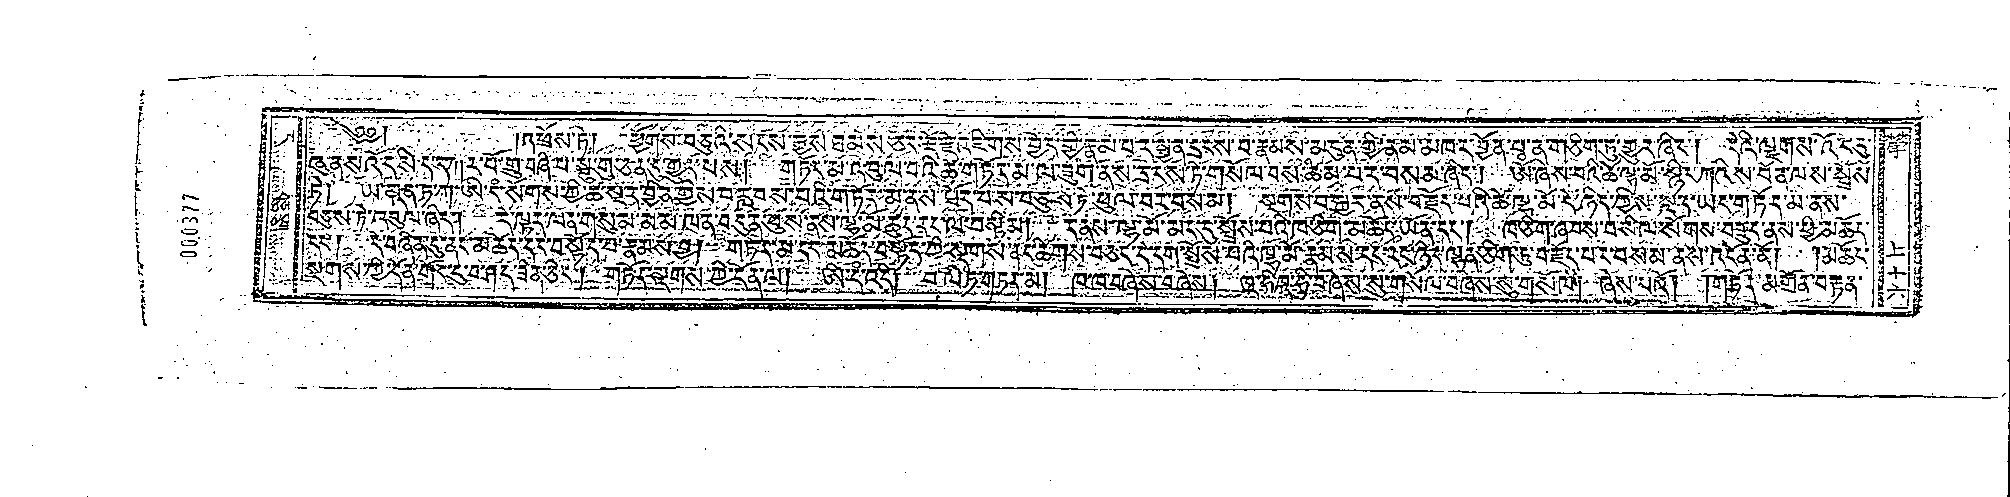༄༅། །འཕྲོས་ཏེ། ཕྱོགས་བཅུའི་སངས་རྒྱས་ཐམས་ཅད་རྡོ་རྗེ་འཇིགས་བྱེད་ཀྱི་རྣམ་པར་སྤྱན་དྲངས་བ་རྣམས་མདུན་གྱི་ནམ་མཁར་བྱོན་པ་ན་གཅིག་ཏུ་གྱུར་ཞིང་། དེའི་ལྗགས་འོད་དུ་
ཞུ་ནས་འོད་སིར་དཀར་བོ་གྲུ་བཞི་པ་སྦུ་གུ་ཅན་དུ་གྱུར་པས། གཏོང་མ་འབུལ་བའི་ཚེ་གཏོར་མ་ལ་ཟུག་ནས་དྲངས་ཏེ་གསོལ་བས་ཚིམ་པར་བསམ་ཞིང་། ཨོཾ་ཞེས་པའི་ཚེ་ལྷ་མོ་སྙིང་ཀའི་ས་བོན་ལས་སྤྲོས་
ཏེ། ཡ་མཱ་ན་ཏ་ཀ་ཨི་དཾ་སོགས་ཀྱི་ཚེ་སྔར་བྱིན་གྱིས་བརླབས་པའི་གཏོར་མ་ནས་ཐོད་པས་བཅུས་ཏེ་ཕུལ་བར་བསམ། སྔགས་བསྐྱར་ནས་བརྗོད་པའི་ཚེ་ལྷ་མོ་དེ་ཉིད་ཀྱིས་སླར་ཡང་གཏོར་མ་ནས་
བཅུས་ཏེ་འབུལ་ཞིང་། དེ་ལྟར་ལན་གསུམ་མམ་ལན་བདུན་ཕུས་ནས་ལྷ་མོ་ཚུར་རང་ལ་བསྟིམ། དེ་ནས་ལྷ་མོ་མང་དུ་སྤྲོས་པའི་ཁ་ཅིག་མཆོད་ཡོན་དང་། ཁ་ཅིག་ཞབས་བསིལ་སོགས་བཟུང་ནས་ཕྱི་མཆོད་
དང་། དེ་བཞིན་དུ་ནང་མཆོད་དང་བསྟོད་པ་རྣམས་བྱ། གཏེར་མ་དང་མཆོད་བསྟོད་ཀྱི་སྔགས་ནང་ཚིགས་བཅད་དེ་དག་སྤྲོས་པའི་ལྷ་མོ་རྣམས་རང་རང་ཉིད་ལྷན་ཅིག་ཏུ་བརྗོད་པར་བསམ་ནས་འདོན་ནོ། །མཆོད་
སྔགས་ཀྱི་དོན་གོང་དུ་བཤད་ཟིན་ཅིང་། གཏོར་སྔགས་ཀྱི་དོན་ལ། ཨི་དཾ་འདི། བ་ལི་ཏ་གཏར་མ། ཁ་ཁ་བཞེས་བཞེས། ཁཱ་ཧི་ཁཱ་ཧི་བཞེས་སུ་གསོལ་བ་ཞེས་སུ་གསོལ། ཞེས་པའོ། །གཏོར་མགྲོན་བརྟན་